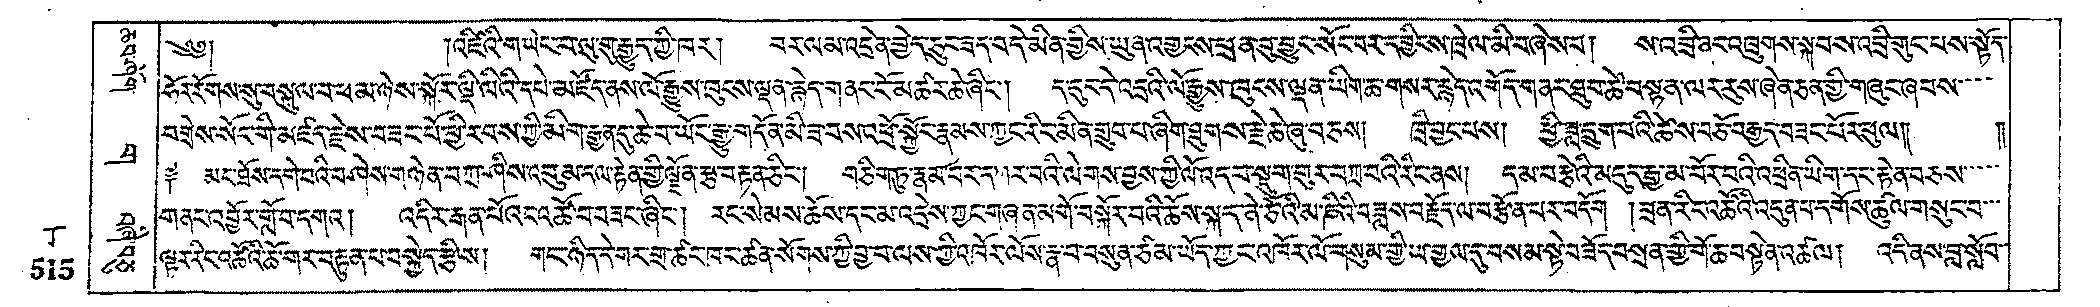༄༅། །འཛིའི་གཡེང་བ་ལུ་གུ་རྒྱུད་ཀྱི་ཁར། བར་ལམ་འདྲེན་བྱེད་ཅུང་ཟད་བདེ་མིན་གྱིས་ཡུན་འགྱངས་ཕྲན་བུ་བྱུང་སོང་བར་དབྱིངས་ཁྲེལ་མི་བཞེས་པ། ས་འབྲི་ནང་འཁྲུགས་སྐབས་འབྲི་གུང་པས་སྟོད་
ཧོར་རོགས་སུ་བསྐུལ་བ་ཕམ་ཉེས་སྐོར་ལྡི་ལིའི་དཔེ་མཛོད་ནས་ལོ་རྒྱུས་ཁུངས་ལྡན་རྙེད་གནང་ངོ་མཚར་ཆེ་ཞིང་། ད་དུང་དེ་འདྲའི་ལོ་རྒྱུས་ཁུངས་ལྡན་ཡིག་ཆ་གསར་རྙེད་འགོད་གནང་ཐུབ་ཚེ་བསྟན་ལར་རུས་ཞེན་ཅན་གྱི་གཞུང་ཞབས་་་
བགྲེས་སོང་གི་མཛད་རྗེས་བཟང་པོ་ཕྱི་རབས་ཀྱི་མིག་རྒྱན་དུ་ཆེ་བ་ཡོང་རྒྱུ་གདོན་མི་ཟ་བས་འཕྲོ་སྐྱོང་རྣམས་ཀྱང་རིང་མིན་གྲུབ་པ་ཞིག་ཐུགས་རྗེ་ཆེ་ཞུ་བཅས། ཁྲི་བྱང་པས། ཕྱི་ཟླ་དྲུག་པའི་ཚེས་བཅོ་བརྒྱད་བཟང་པོར་ཕུལ།། །།
འ་མང་ཐོས་དགེ་བའི་བཤེས་གཉེན་བཀྲ་ཤིས་འབུམ་དལ་རྟེན་གྱི་ལྗོན་རྩ་བརྟན་ཅིང་། གཅིག་ཏུ་རྣམ་པར་དཀར་བའི་ལེགས་བྱས་ཀྱི་ལོ་འདབ་སྡུག་གུར་བཀྲ་བའི་རིང་ནས། དམ་བརྩེའི་མདུད་རྒྱ་མ་བོར་བའི་འཕྲིན་ཡིག་དང་རྟེན་བཅས་་་
གནང་འབྱོར་གློ་བ་དགའ། འདིར་རྒན་པོའང་འཚོ་བ་བཟང་ཞིང་། རང་སེམས་ཆོས་དང་མ་འདྲེས་ཀྱང་གཞན་མགོ་བསྐོར་བའི་ཆོས་སྐད་ནེ་ཙོའི་མ་ཎིའི་བཟླས་བརྗོད་ལ་བརྩོན་པར་བདོག །ཕྲན་རིང་འཚོའི་འདུན་པ་དགོས་ཚུལ་གསུང་བ་་་
ལྟར་རིང་འཚོའི་ཆོ་གར་བརྟུན་པ་བསྐྱེད་རྩིས། གང་ཉིད་དེ་གར་གྲ་ཚང་ཁང་ཚན་སོགས་ཀྱི་བྱ་བ་ལས་ཀྱི་འཁོར་ལོས་རྣ་བ་བསུན་ཙམ་ཡོད་ཀྱང་འཁོར་ལོ་གསུམ་གྱི་ཡ་གྱལ་དུ་བསམ་སྟེ་བཟོད་བསྲན་གྱི་གོ་ཆ་བསྟེན་འཚལ། འདི་ནས་བླ་སློབ་་་